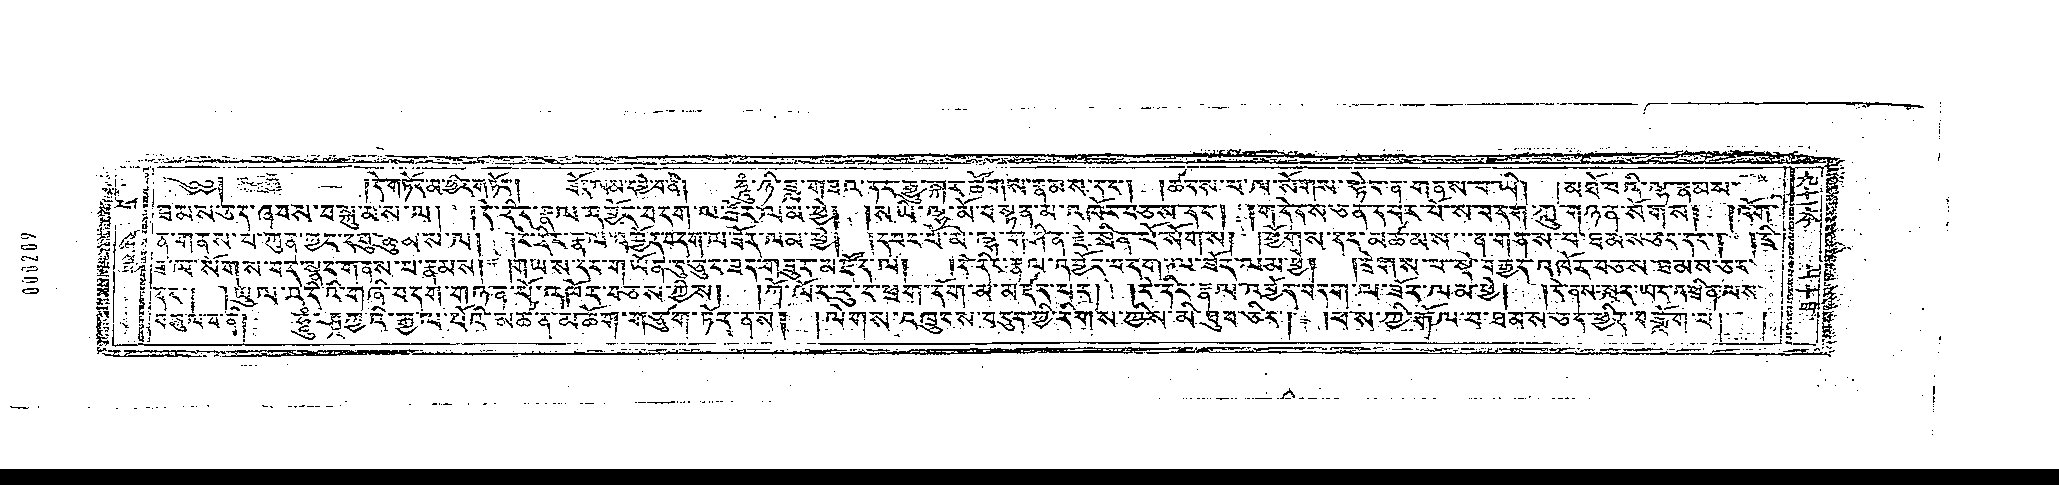༄༅། །དེ་གཏོར་མ་ཕྱིར་གཏོང་། ཟོར་ལམ་དབྱེ་པ་ནི། ཧཱུཾ་ཉི་ཟླ་གཟའ་དང་རྒྱུ་སྐར་ཚོགས་རྣམས་དང་། །ཚངས་པ་ལ་སོགས་སྟེང་ན་གནས་པ་ཡི། །མཐོ་བའི་ལྷ་རྣམས་
ཐམས་ཅད་ཞབས་བསྐུམས་ལ། །དེ་རིང་རྣལ་འབྱོར་བདག་ལ་ཟོར་ལམ་ཕྱེ། །ས་ཡི་ལྷ་མོ་བསྟན་མ་འཁོར་བཅས་དང་། །གདེངས་ཅན་དབང་པོ་ས་བདག་ཀླུ་གཉན་སོགས། །འོག་
ན་གནས་པ་ཀུན་ཀྱང་དབུ་ཆུམས་ལ། །དེ་རིང་རྣལ་འབྱོར་བདག་ལ་ཟོར་ལམ་ཕྱེ། །དབང་པོ་མེ་ལྷ་གཤིན་རྗེ་སྲིན་པོ་སོགས། །ཕྱོགས་དང་མཚམས་ན་གནས་པ་ཐམས་ཅད་དང་། །དྲི་
ཟ་ལ་སོགས་བར་སྣང་གནས་པ་རྣམས། །གཡས་དང་གཡོན་དུ་ཅུང་ཟང་གཟུར་མཛོད་ལ། །དེ་རིང་རྣལ་འབྱོར་བདག་ལ་ཟོར་ལམ་ཕྱེ། །དྲེགས་པ་སྔེ་བརྒྱང་འཁོར་བཅས་ཐམས་ཅད་
དང་། །ཡུལ་འདིའི་གཞི་བདག་གཉན་པོ་འཁོར་བཅས་ཀྱིས། །ཀོ་ལོང་རུ་ང་ཕྲག་དོག་མ་མཛད་པར། །དེ་རིང་རྣལ་འབྱོར་བདག་ལ་ཟོར་ལམ་ཕྱེ། །དེ་ནས་སླར་ཡང་འཕྲིན་ལས་
བསྐུལ་བ་ནི། ཧཱུཾ་ཤཱཀྱའི་རྒྱལ་པོའི་མཚན་མཆོག་གཙུག་ཏོར་ནས། །ལེགས་འཁྲུངས་བདུད་ཀྱི་རིགས་ཀྱིས་མི་ཐུབ་ཅིང་། །ཕས་ཀྱི་རྒོལ་བ་ཐམས་ཅད་ཕྱིར་བཟློག་པ། །